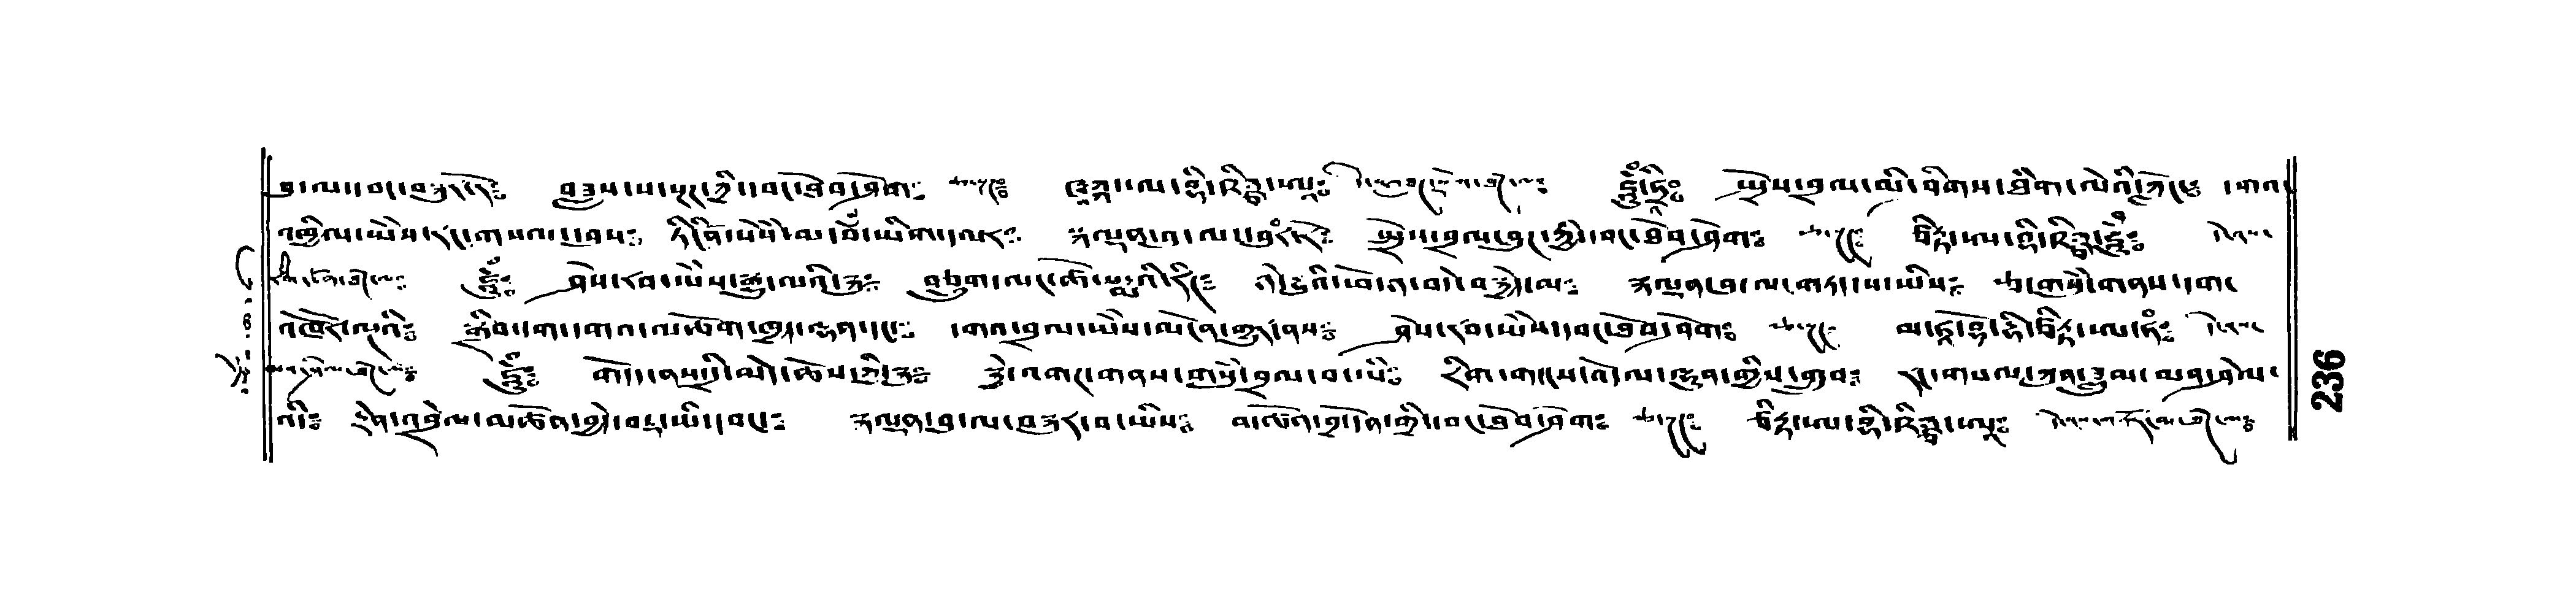བུ་ལ་དབང་བསྐུར་རོ༔ བཟླས་པ་སྔགས་ཀྱི་དབང་ཐོབ་ཤོག༔ རྩ་སྔགས༔ ཝཀྐ་ཨ་བྷི་རིཉྩ་ཨཱཿ དེ་ནས་ཐུགས་སྲོག་ཐོགས་ལ༔ ཧཱུྃ་ཧྲཱིཿ སྤྲོས་བྲལ་མི་ཤིགས་ཐིག་ལེའི་ཀློང༔ དགའ་
འཁྱིལ་ཡེ་ཤེས་རང་གསལ་དབུས༔ ཏིང་འཛིན་སེམས་མ་བྃ་ཡིག་དམར༔ སྐལ་ལྡན་བུ་ལ་དབང་བསྐུར་རོ༔ སྤྲོས་བྲལ་ཐུགས་ཀྱི་དབང་ཐོབ་ཤོག༔ རྩ་སྔགས༔ ཙིཏྟ་ཨ་བྷི་རིཉྩ་ཧཱུྃ༔ དེ་ནས་
རིག་ཙཀ་ཐོགས་ལ༔ ཧཱུྃ༔ ཤེས་རབ་ཡེ་ཤེས་སྒྱུ་མའི་སྐུ༔ བཅུ་དྲུག་ལང་ཚོ་པདྨའི་རིགས༔ ཉེ་རྒྱུའི་ཕོ་ཉ་བདེ་བསྐྱེད་མ༔ སྐལ་ལྡན་བུ་ལ་གཏད་པ་ཡིས༔ རྩ་གསུམ་གནས་དག་
འཁོར་ལོར་ལྔའི༔ སྒྲིབ་དག་དགའ་མཆོག་ཁྱད་ལྷན་དང༔ དགའ་བྲལ་ཡེ་ཤེས་མངོན་གྱུར་ནས༔ ཤེས་རབ་ཡེ་ཤེས་དབང་ཐོབ་ཤོག༔ རྩ་སྔགས༔ མ་ཧཱ་བྷོ་དྷི་ཙིཏྟ་ཨ་ཧཾ༔ དེ་ནས་
མན་ཤེལ་ཐོགས་ལ༔ ཧཱུྃ༔ གདོད་ནས་དྲི་མེད་ཆོས་ཀྱི་སྐུ༔ སྐྱེ་འགག་གནས་གསུམ་བྲལ་བ་ཡི༔ རིག་གདངས་འོད་གསལ་ལྷུན་གྱིས་གྲུབ༔ རང་གསལ་ཀུན་ཟླུམ་མན་ཤེལ་
འདི༔ རྟེན་འབྲེལ་མཚོན་བྱེད་བརྡ་ཡི་དབང༔ སྐལ་ལྡན་དབུ་ལ་བསྐུར་བ་ཡིས༔ མཚོན་བྱ་དོན་གྱི་དབང་ཐོབ་ཤོག༔ རྩ་སྔགས༔ ཙིཏྟ་ཨ་བྷི་རིཉྩ་ཨཱ༔ དེ་ནས་གཏོར་མ་ཐོགས་ལ༔